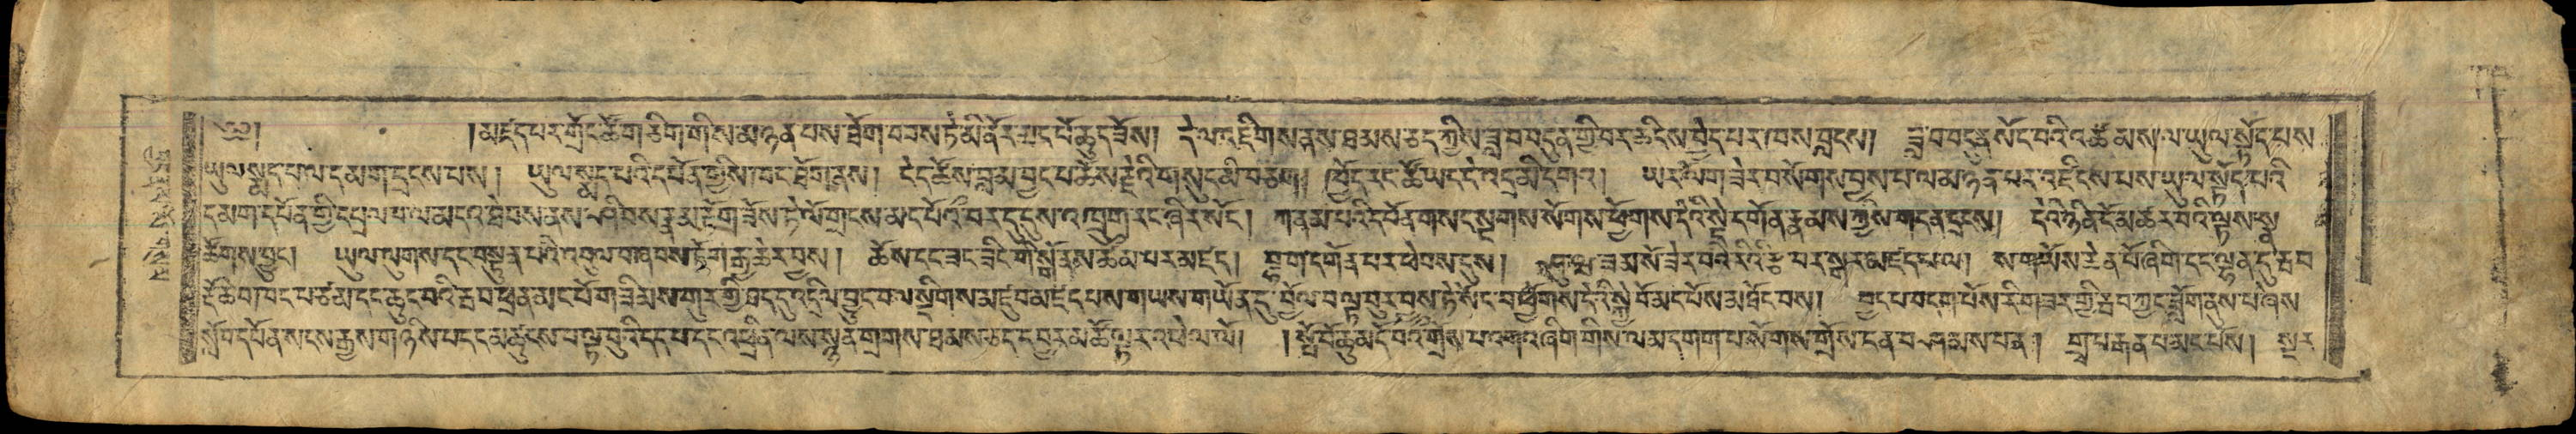༄༅། །མཛད་པར་གྲོང་ཚོ་གཅིག་གི་ས་མཉན་པས་ཐོག་བབས་ཏེ་མ་ནོར་མང་པོ་ཆུད་ཟོས། དེ་ལ་འཇིགས་ནས་ཐམས་ཅད་ཀྱིས་ཟླ་བ་བདུན་གྱི་བར་ཆིངས་བྱེད་པར་ཁས་བླངས། ཟླ་བ་བདུན་སོང་བའི་འཚམས་ལ་ཡུལ་སྟོད་པས་
ཡུལ་སྨད་པ་ལ་དམག་དྲངས་པས། ཡུལ་སྨད་པའི་དཔོན་གྱིས་ཁང་ཐོག་ནས། ངེད་ཚོས་བླ་མ་བྱང་པ་ཆོས་རྗེའི་གསུང་མ་བཅག། ཁྱོད་རང་ཚོ་ཡང་དེ་འདྲ་མི་དགའ། ཡར་ལོག་ཟེར་བ་སོགས་བྱས་པ་ལ་མཉན་པར་འཇིངས་པས་ཡུལ་སྟོད་པའི་
དམག་དཔོན་གྱི་དཔྲལ་བ་ལ་མངའ་ཐེབས་ནས་ཤི་བས་རྣམ་རྟོག་ཟོས་ཏེ་ལོ་གྲངས་མང་པོའི་བར་དུ་དུས་འཁྲུག་རང་ཞིར་སོང་། ཀ་ནམ་པའི་དཔོན་གསང་སྔགས་སོགས་ཕྱོགས་དེའི་སྡེ་དགོན་རྣམས་ཀྱིས་གདན་དྲངས། དེའི་ཉིན་ངོ་མཚར་བའི་ལྟས་སྣ་
ཚོགས་བྱུང་། ཡུལ་ལུགས་དང་བསྟུན་པའི་འབུལ་བ་ཞབས་ཏོག་རྒྱ་ཆེར་བྱས། ཆོས་དང་ཟང་ཟིང་གི་སྒོ་ནས་ཚིམ་པར་མཛད། བྷ་ག་དགོན་པར་ཕེབས་དུས། ཤུ་ཝ་ཟམ་སོ་ཟེར་བའི་རིའི་རྩེ་བར་སྒར་མཛད་པ་ལ། ས་གཡོས་ཆེན་པོ་ཞིག་དང་ལྷན་དུ་རྦབ་
རྡོ་ཆེ་བ་ཁང་པ་ཙམ་དང་ཆུང་བའི་རྦབ་ཕྲན་མང་པོ་གཟིམས་གུར་གྱི་ཐད་དུ་འདྲིལ་བྱུང་བ་ལ་སྡིགས་མཛུབ་མཛད་པས་གཡག་གཡོན་དུ་བྱོལ་བ་ལྟ་བུར་བྱས་ཏེ་སོང་བ་ཕྱོགས་དེའི་སྐྱེ་བོ་མང་པོས་མཐོང་བས། བྱང་པ་བདག་པོས་རི་གཟར་གྱི་རྦབ་ཀྱང་ཟློག་ནུས་པ་ཞེས་
སློབ་དཔོན་སངས་རྒྱས་གཉིས་པ་དང་མཚུངས་པ་ལྟ་བུའི་དང་པ་དང་འཕྲིན་ལས་སྙན་གྲགས་ཐམས་ཅད་དབྱར་མཚོ་ལྟར་འཕེལ་ལོ། །སྤོ་བོ་ཆུ་མདོ་བའི་གྲོས་པ་འགའ་ཞིག་གིས་ལམ་དགག་པ་སོགས་གྲོས་ངན་བཤམས་པ་ན། གྲྭ་པ་རྒན་པ་མང་པོས། སྔར་